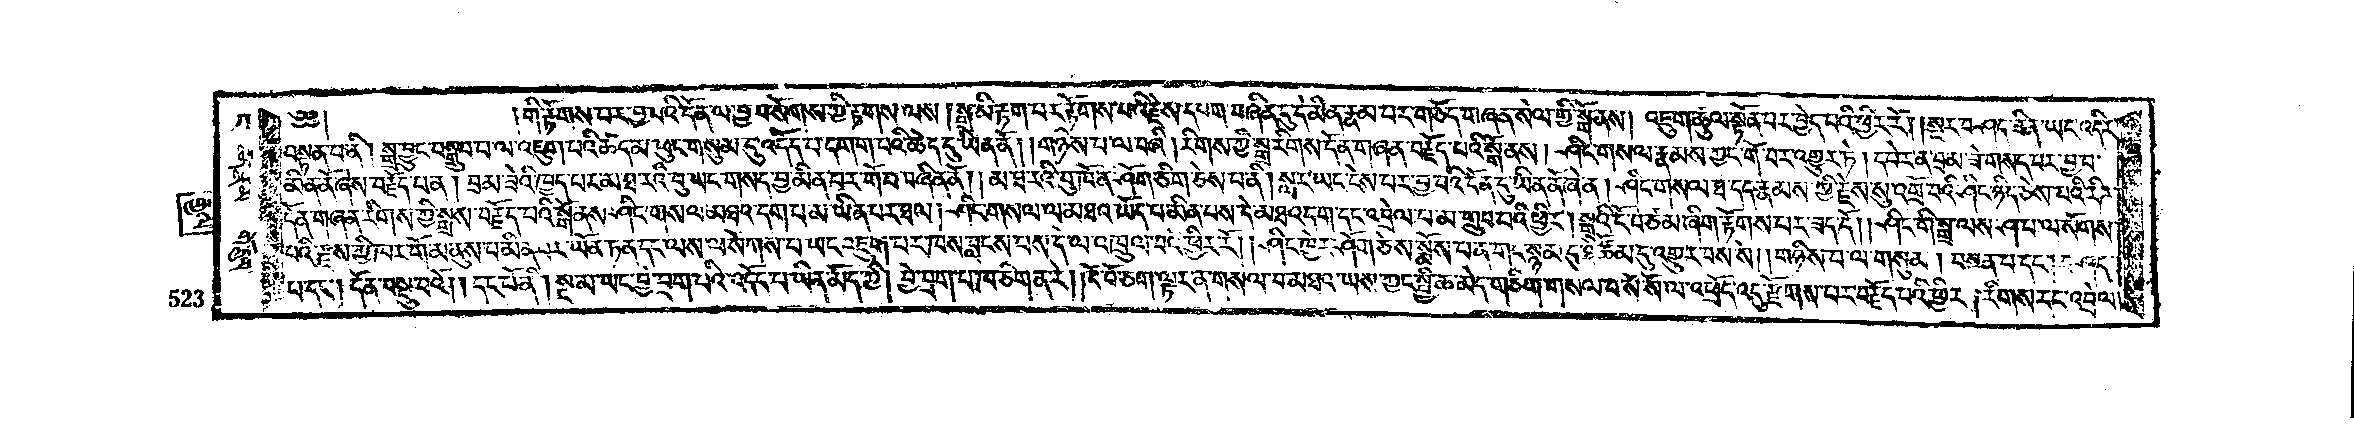༄༅། །གི་རྟོགས་པར་བྱ་བའི་དོན་ལ་བྱ་བ་སོགས་ཀྱི་རྟགས་ལས། སྒྲ་མི་རྟག་པར་རྟོགས་པའི་རྗེས་དཔག་བཞིན་དུ་དེ་མིན་རྣམ་པར་གཅོད་གཞན་སེལ་གྱི་སྒོ་ནས། འཇུག་ཚུལ་སྟོན་པར་བྱེད་པའི་ཕྱིར་རོ། །སྔར་བཤད་ཟིན་ཡང་འདིར་
བསྟན་པ་ནི། སྒྲ་བྱུང་བསྒྲུབ་པ་ལ་འཇུག་པའི་ཚད་མ་ཕུང་གསུམ་དུ་འདོད་པ་དགག་པའི་ཆེད་དུ་ཡིན་ནོ། །གཉིས་པ་ལ་བཞི། རིགས་ཀྱི་སྒྲ་རིགས་དོན་གཞན་བརྗོད་པའི་སྒོ་ནས། ཤིང་གསལ་རྣམས་ཀྱང་གོ་བར་འགྱུར་ཏེ། དཔེར་ན་བྲམ་ཟེ་གསད་པར་བྱ་བ་
མིན་ནོ་ཞེས་བརྗོད་པ་ན། བྲམ་ཟེའི་ཁྱད་པར་མ?་ཐ་རའི་བུ་ཡང་གསད་བྱ་མིན་པར་གོ་བ་བཞིན་ནོ། །མ་ཐ་རའི་བུ་ཁོ་ན་ཤོག་ཅིག་ཅེས་པ་ནི། སླར་ཡང་ངེས་པར་བྱ་བའི་དོན་དུ་ཡིན་ནོ་ཞེ་ན། ཤིང་གསལ་ཐ་དད་རྣམས་ཀྱི་རྗེས་སུ་འགྲོ་བའི་ཤིང་ཉིད་ཅེས་པའི་རིགས་
དོན་གཞན་རིགས་ཀྱི་སྒྲས་བརྗོད་པའི་སྒོ་ནས་ཤིང་གསལ་མཐའ་དག་པ་མ་ཡིན་པར་ཐལ། ཤིང་གསལ་ལ་མཐའ་ཡོད་པ་མིན་པས་དེ་མཐའ་དག་དང་འབྲེལ་པ་མ་གྲུབ་པའི་ཕྱིར། སྒྲའི་ངོ་བོ་ཙམ་ཞིག་རྟོགས་པར་ཟད་དོ། །ཤིང་གི་སྒྲ་ལས་ཤ་པ་ལ་སོགས་
པའི་རྫས་ཀྱི་ཁར་གོ་མ་ནུས་པ་མིན་པར་ཡོན་ཏན་དང་ལས་ལ་སོགས་པ་ཡང་འཇུག་པར་ཁས་བླངས་པས་དེ་ལ་འཁྲུལ་པའི་ཕྱིར་རོ། །ཤིང་ཁྱེར་ཤོག་ཅེས་སྨོས་པ་ན་གང་སྙམ་དུ་ཐེ་ཚོམ་དུ་འགྱུར་བས་སོ། །གཉིས་པ་ལ་གསུམ། བསད་པ་དང་། བཤད་
པ་དང་། དོན་བསྡུ་བའོ། །དང་པོ་ནི། སྔ་མ་ཡང་བྱེ་བྲག་པའི་འདོད་པ་ཡིན་མོད་ཀྱི། བྱེ་བྲག་པ་ཁ་ཅིག་ན་རེ། །ངོ་བོ་ཅིག་ལྟར་ན་གསལ་བ་མཐའ་ཡས་ཀྱང་སྤྱི་ཆ་མེད་གཅིག་གསལ་བ་སོ་སོ་ལ་འཕྲོད་འདུ་རྫོགས་པའི་ཕྱིར། རིགས་རང་འབྲེལ་